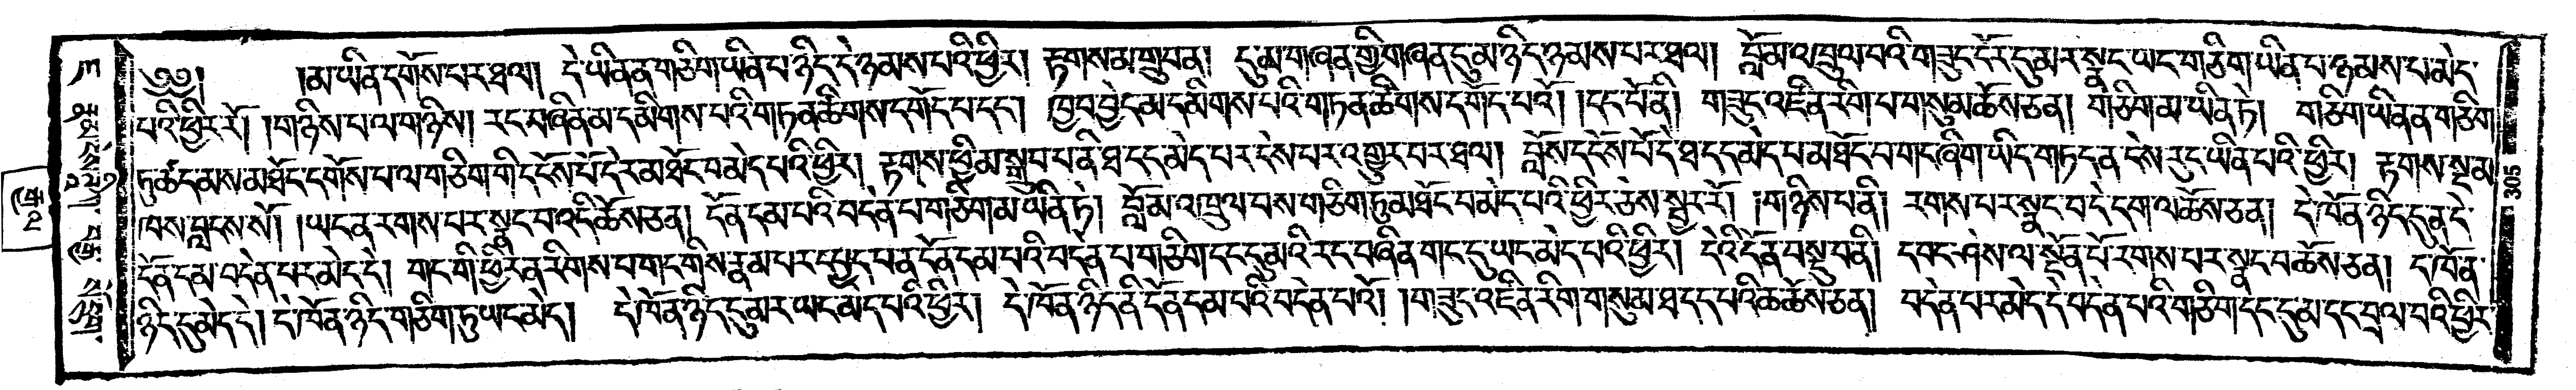༄༅། །མ་ཡིན་དགོས་པར་ཐལ། དེ་ཡིན་ན་གཅིག་ཡིན་པ་ཉིད་དེ་ཉམས་པའི་ཕྱིར། རྟགས་མ་གྲུབ་ན། དུ་མ་གཞན་གྱི་གཞན་དུ་མ་ཉིད་ཉམས་པར་ཐལ། བློ་མ་འཁྲུལ་བའི་གཟུང་ངོར་དུ་མར་སྣང་ཡང་གཅིག་ཡིན་པ་ཉམས་པ་མེད་
པའི་ཕྱིར་རོ། །གཉིས་པ་ལ་གཉིས། རང་བཞིན་མ་དམིགས་པའི་གཏན་ཚིགས་དགོད་པ་དང་། ཁྱབ་བྱེད་མ་དམིགས་པའི་གཏན་ཚིགས་དགོད་པའོ། །དང་པོ་ནི། གཟུང་འཛིན་རིག་པ་གསུམ་ཆོས་ཅན། གཅིག་མ་ཡིན་ཏེ། གཅིག་ཡིན་ན་གཅིག་
ཏུ་ཚད་མས་མཐོང་དགོས་པ་ལ་གཅིག་གི་དངོས་པོ་དེར་མཐོང་བ་མེད་པའི་ཕྱིར། རྟགས་ཕྱི་མ་སྒྲུབ་པ་ནི་ཐ་དད་མེད་པར་ངེས་པར་འགྱུར་བར་ཐལ། བློས་དངོས་པོ་དེ་ཐ་དད་མེད་པ་མཐོང་བ་གང་ཞིག་ཡིད་གཏད་ན་ངེས་རུང་ཡིན་པའི་ཕྱིར། རྟགས་སྔ་མ་
ཁས་བླངས་སོ། །ཡང་ན་རགས་པར་སྣང་བ་འདི་ཆོས་ཅན། དོན་དམ་པའི་བདེན་པ་གཅིག་མ་ཡིན་ཏེ། བློ་མ་འཁྲུལ་བས་གཅིག་ཏུ་མཐོང་བ་མེད་པའི་ཕྱིར་ཅེས་སྦྱར་རོ། །གཉིས་པ་ནི། རགས་པར་སྣང་བ་དེ་དག་ལ་ཆོས་ཅན། དེ་ཁོ་ན་ཉིད་དུ་ན་དེ་
དོན་དམ་བདེན་པར་མེད་དེ། གང་གི་ཕྱིར་ན་རིགས་པ་གང་གིས་རྣམ་པར་དཔྱད་པ་ན་དོན་དམ་པའི་བདེན་པ་གཅིག་དང་དུ་མའི་རང་བཞིན་གང་དུ་ཡང་མེད་པའི་ཕྱིར། དེའི་དོན་བསྡུ་བ་ནི། དབང་ཤེས་ལ་སྔོན་པོ་རགས་པར་སྣང་བ་ཆོས་ཅན། དེ་ཁོ་ན་
ཉིད་དུ་མེད་དེ། དེ་ཁོ་ན་ཉིད་གཅིག་ཏུ་ཡང་མེད། དེ་ཁོ་ན་ཉིད་དུ་མར་ཡང་མེད་པའི་ཕྱིར། དེ་ཁོ་ན་ཉིད་ནི་དོན་དམ་པའི་བདེན་པའོ། །གཟུང་འཛིན་རིག་གསུམ་ཐ་དད་པའི་ཆ་ཆོས་ཅན། བདེན་པར་མེད་དེ་བདེན་པའི་གཅིག་དང་དུ་མ་དང་བྲལ་བའི་ཕྱིར་